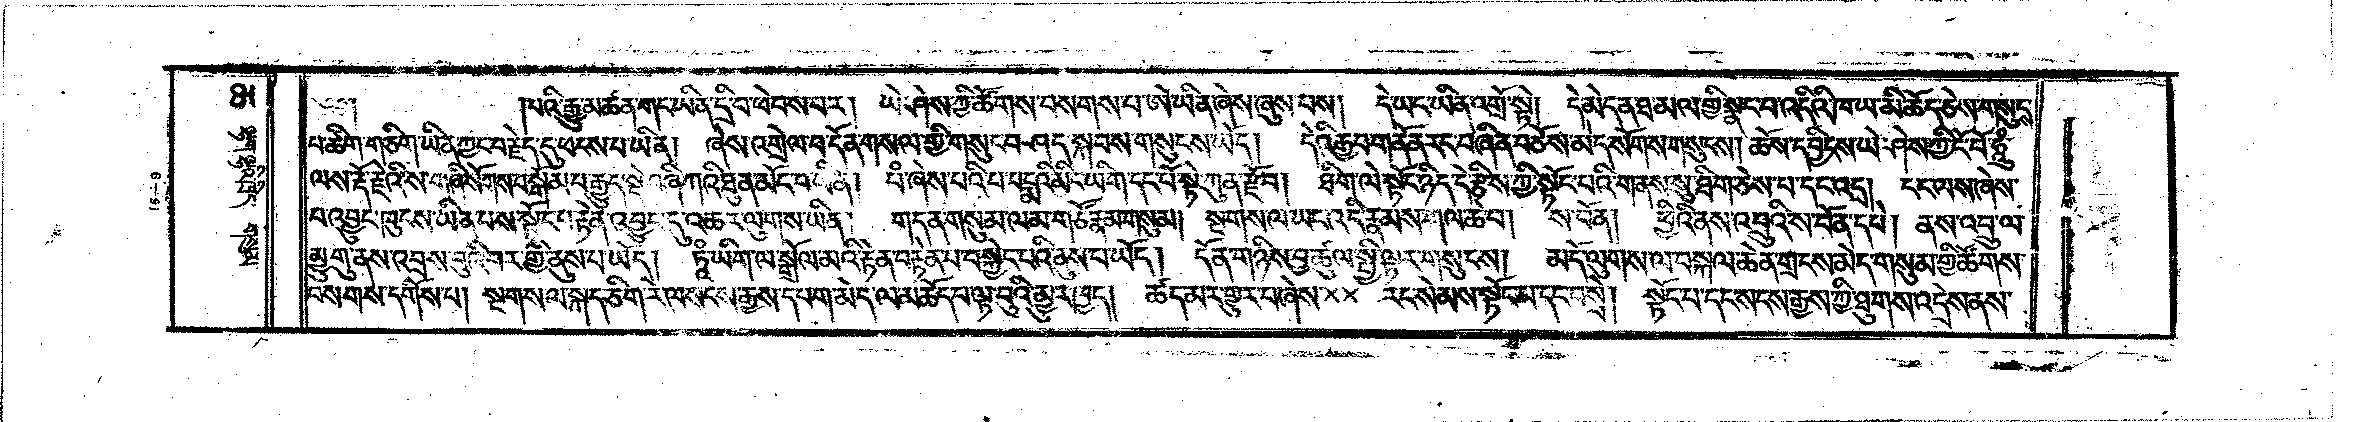༄༅། །པའི་རྒྱུ་མཚན་གང་ཡིན་དྲི་བ་ཕེབས་པར། ཡེ་ཤེས་ཀྱི་ཚོགས་བསགས་པ་ཨེ་ཡིན་ཞེས་ཞུས་པས། དེ་ཡང་ཡིན་འགྲོ་སྟེ། དེ་མེད་ན་ཐ་མལ་གྱི་སྣང་བ་འདིའི་ཁ་ཡ་མི་ཆོད་ཅེས་གསུངས་
པ་ཚིག་གཅིག་ཡིན་ཀྱང་བརྗེད་དུ་ཕངས་པ་ཡིན། ཞེས་འགྲེལ་བ་དོན་གསལ་གྱི་གསུང་བཤད་སྐབས་གསུངས་ཡོད། དེའི་རྒྱབ་གནོན་རང་བཞིན་བཅོས་མེད་སོགས་གསུངས། ཆོས་དབྱིངས་ཡེ་ཤེས་ཀྱི་ངོ་བོ་ཧཱུཾ་
ལས་རྡོ་རྗེའི་ས་གཞི་སོགས་བསྒོམ་པ་རྒྱུད་སྡེ་བཞི་ཀའི་ཐུན་མོང་བ་ཡིན། བཾ་ཞེས་པའི་པ་པདམའི་མིང་ཡིག་དང་པོ་སྟེ་ཀུན་རྫོབ། ཐིག་ལེ་སྟོང་ཉིད་དེ་རྩིས་ཀྱི་སྟོང་པའི་གནས་སུ་ཐིག་ཅེས་པ་དང་འདྲ། ངང་ལས་ཞེས་
པ་འབྱུང་ཁུངས་ཡིན་པས་སྟོང་པ་རྟེན་འབྱུང་དུ་འཆར་ལུགས་ཡིན། གདན་གསུམ་ལམ་གཙོ་རྣམ་གསུམ། སྔགས་ལ་ཡང་འདི་རྣམས་གལ་ཆེ་བ། ས་བོན། ཕྱིའི་ནས་འབྲུའི་ས་བོན་དཔེ། ནས་འབྲུ་ལ་
མྱུ་གུ་ནས་འབྲས་བུའི་བར་གྱི་ནུས་པ་ཡོད། ཏཱཾ་ཡིག་ལ་སྒྲོལ་མའི་རྟེན་བརྟེན་པ་བསྐྱེད་པའི་ནུས་པ་ཡོད། དོན་གཉིས་བྱ་ཚུལ་སྤྱི་ལྟར་གསུངས། མདོ་ལུགས་ལ་བསྐལ་ཆེན་གྲངས་མེད་གསུམ་གྱི་ཚོགས་
བསགས་དགོས་པ། སྔགས་ལ་སྐད་ཅིག་རེ་ལ་སངས་རྒྱས་དཔག་མེད་ལ་མཆོད་པ་ལྟ་བུའི་མྱུར་ཁྱད། ཚད་མར་གྱུར་བ་ཞེས་྾྾་རང་སེམས་སྟོང་པ་དང་བསྲེ། སྟོང་པ་དང་སངས་རྒྱས་ཀྱི་ཐུགས་འདྲེས་ནས་